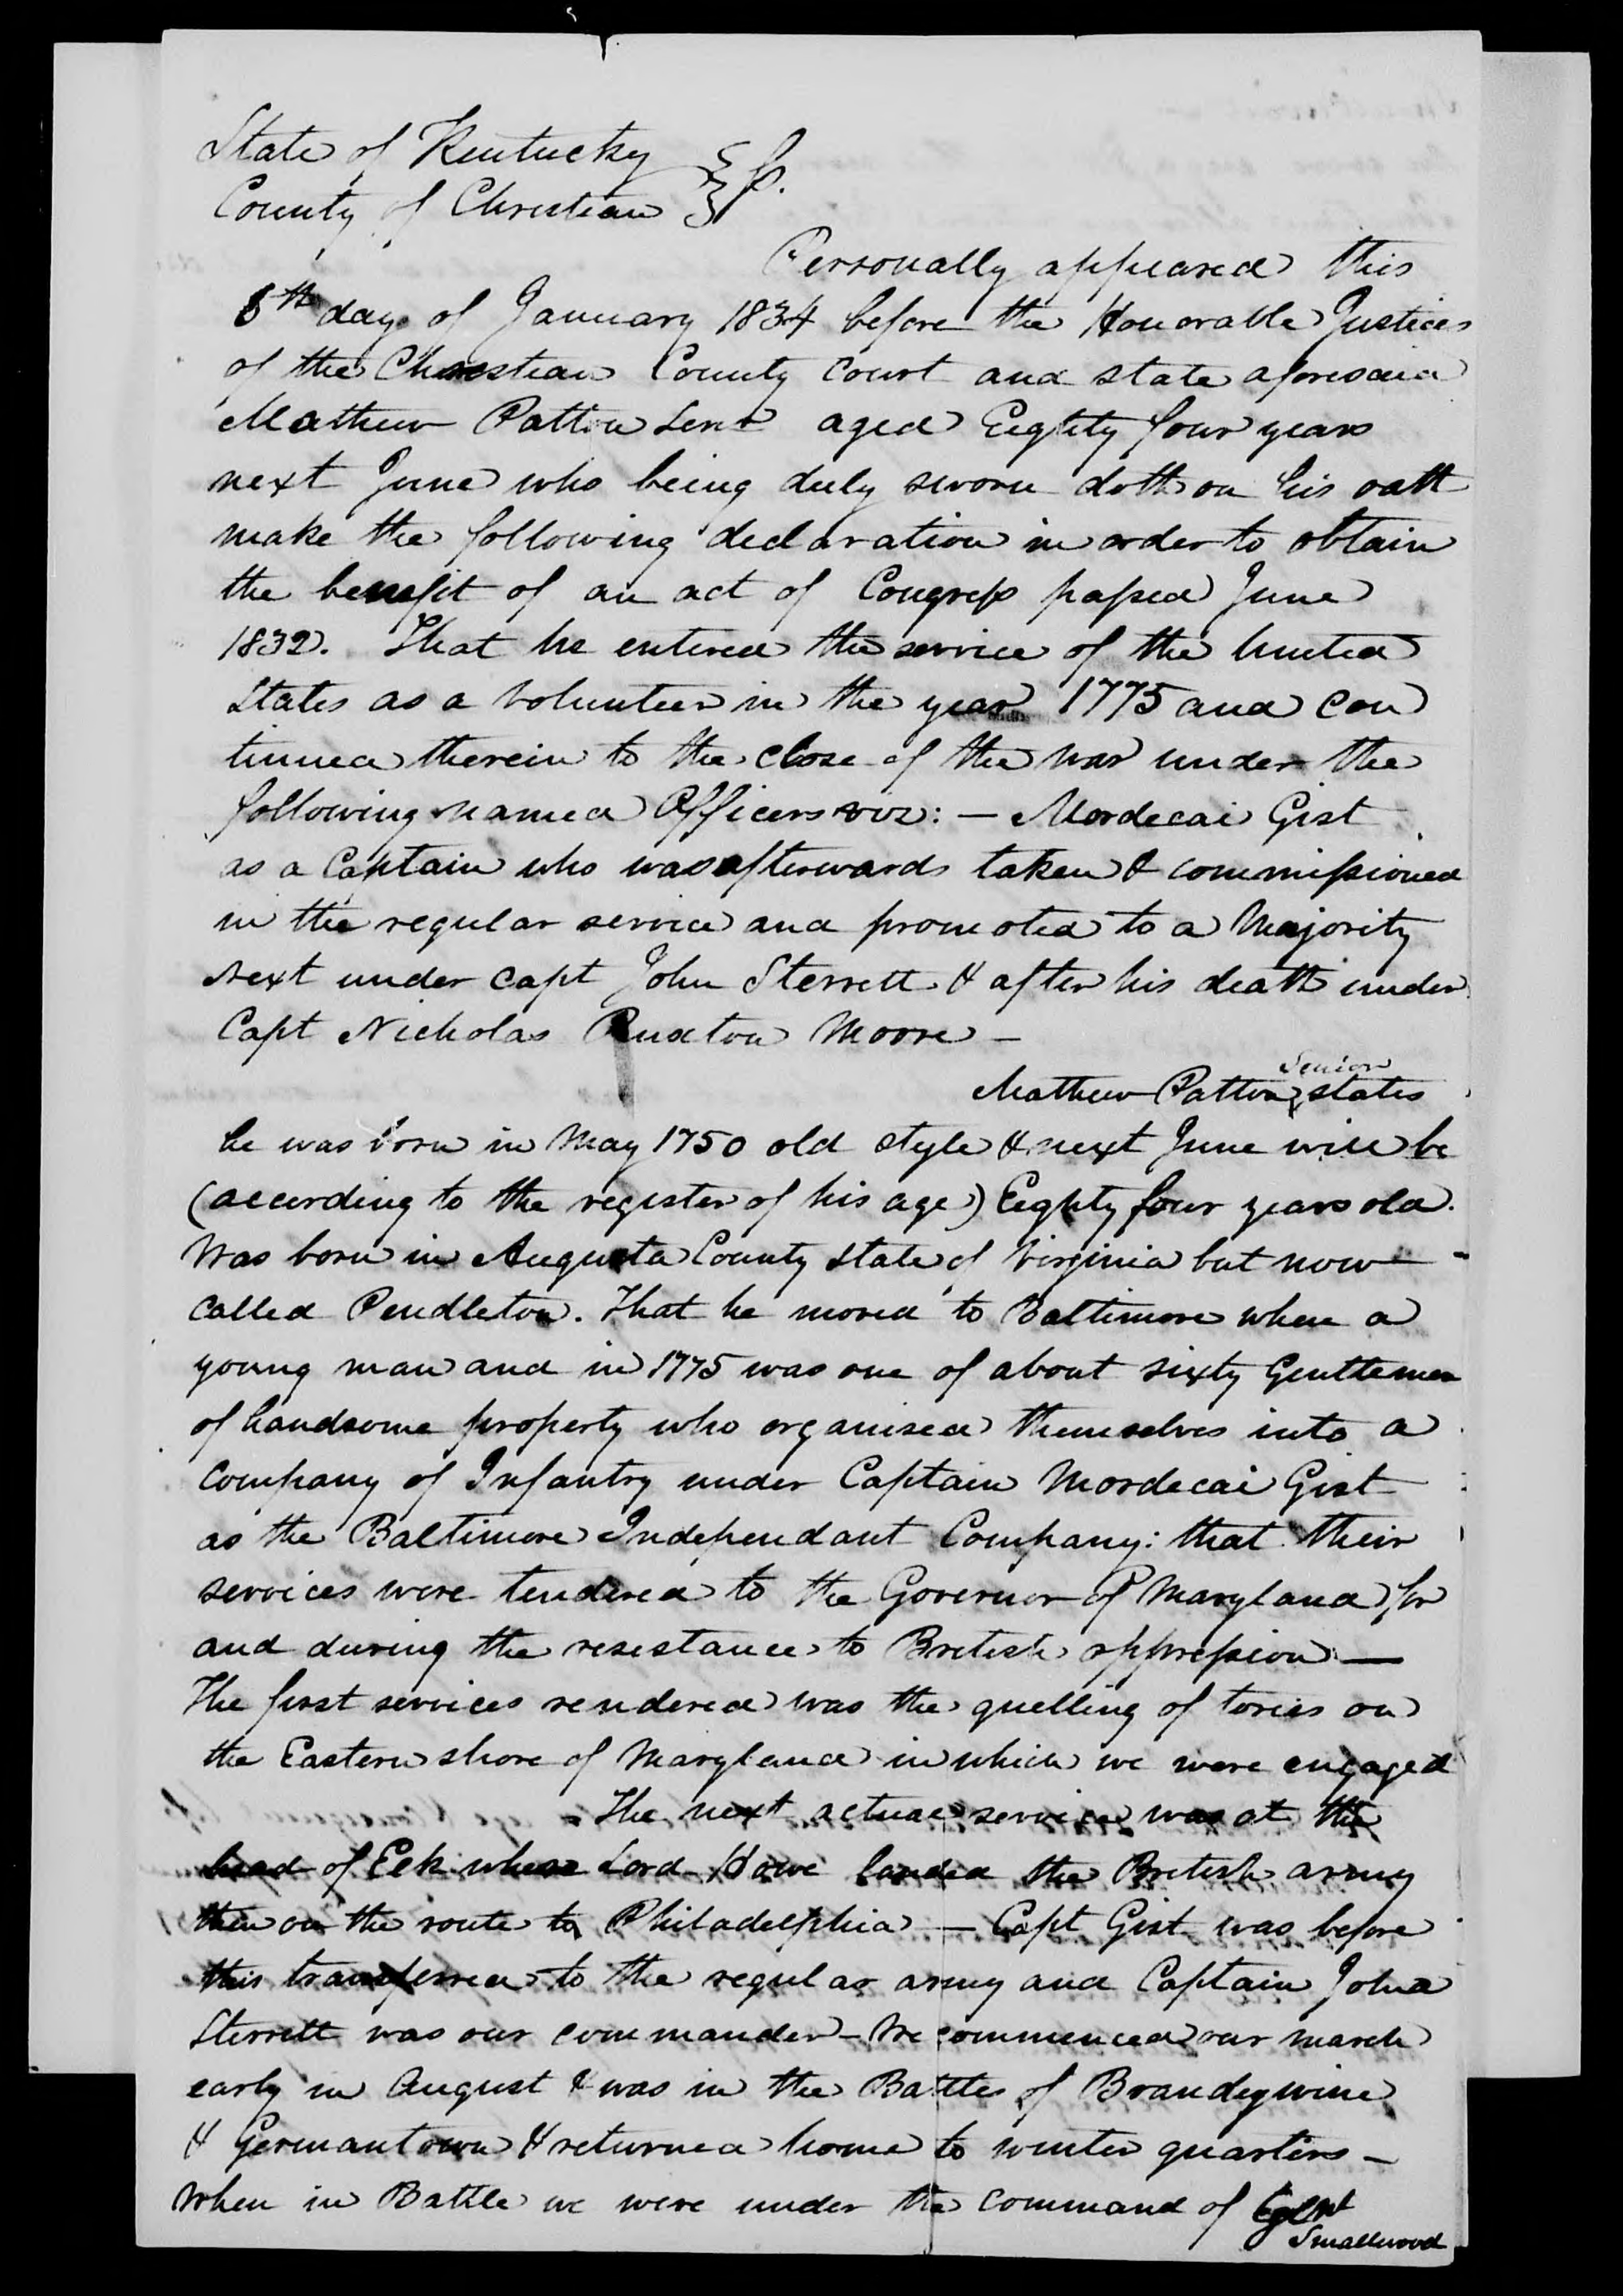State of Kentucky}
County of Christian} Ss.
Personally appeared this 8th day of January 1834 before the Honorable Justices
of the Christian County Court and state aforesaid Matthew Patton Senr [Senior] aged Eighty four years next June who being duly sworn doth on his oath make the following declaration in order to obtain
the benefit of an act of Congress passed June
1832. That he entered the service of the United States as a volunteer in the year 1775 and continued therein to the close of the war under the following named Officers viz:- Mordecai Gist as a captain who was afterwards taken & commissioned in the regular service and promoted to a majority
Next under Capt John Sterrett & after his death under Capt Nicholas Ruxton Moore

Mathew Patton ^senior states
he was born in May 1750 old style & next June will be (according to the register of his age) Eighty four years old was born in Augusta County State of Virginia but now
called Pendleton. That he moved to Baltimore when a young man and in 1775 was one of about sixty Gentlemen of handsome property who organized themselves into a
Company of Infantry under Captain Mordecai Gist as the Baltimore Independent Company; that their services were rendered to the Governor of Maryland for and during the resistance to British oppression -The first services rendered was the quelling of tories on the Eastern shore of Maryland in which we were engaged
The next actual service was at the head 
of Elk when Lord Howe landed the British army
then on the route to Philadelphia Capt Gist was before this transferred to the regular army and Captain John Sterrett was our commander - he commenced our march early in August & was in the Battle of Brandywine
& Germantown & returned home to winter quarters when
in Battle we were under the command of Genl
Smallwood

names: Matthew Patton; John Sterrett; Lord Howe; Nicholas Ruxton Moore; Mordecai Gist; [BLANK] Smallwood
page: 7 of 45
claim: survivor's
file: S. 31294, for Matthew Patton, Maryland